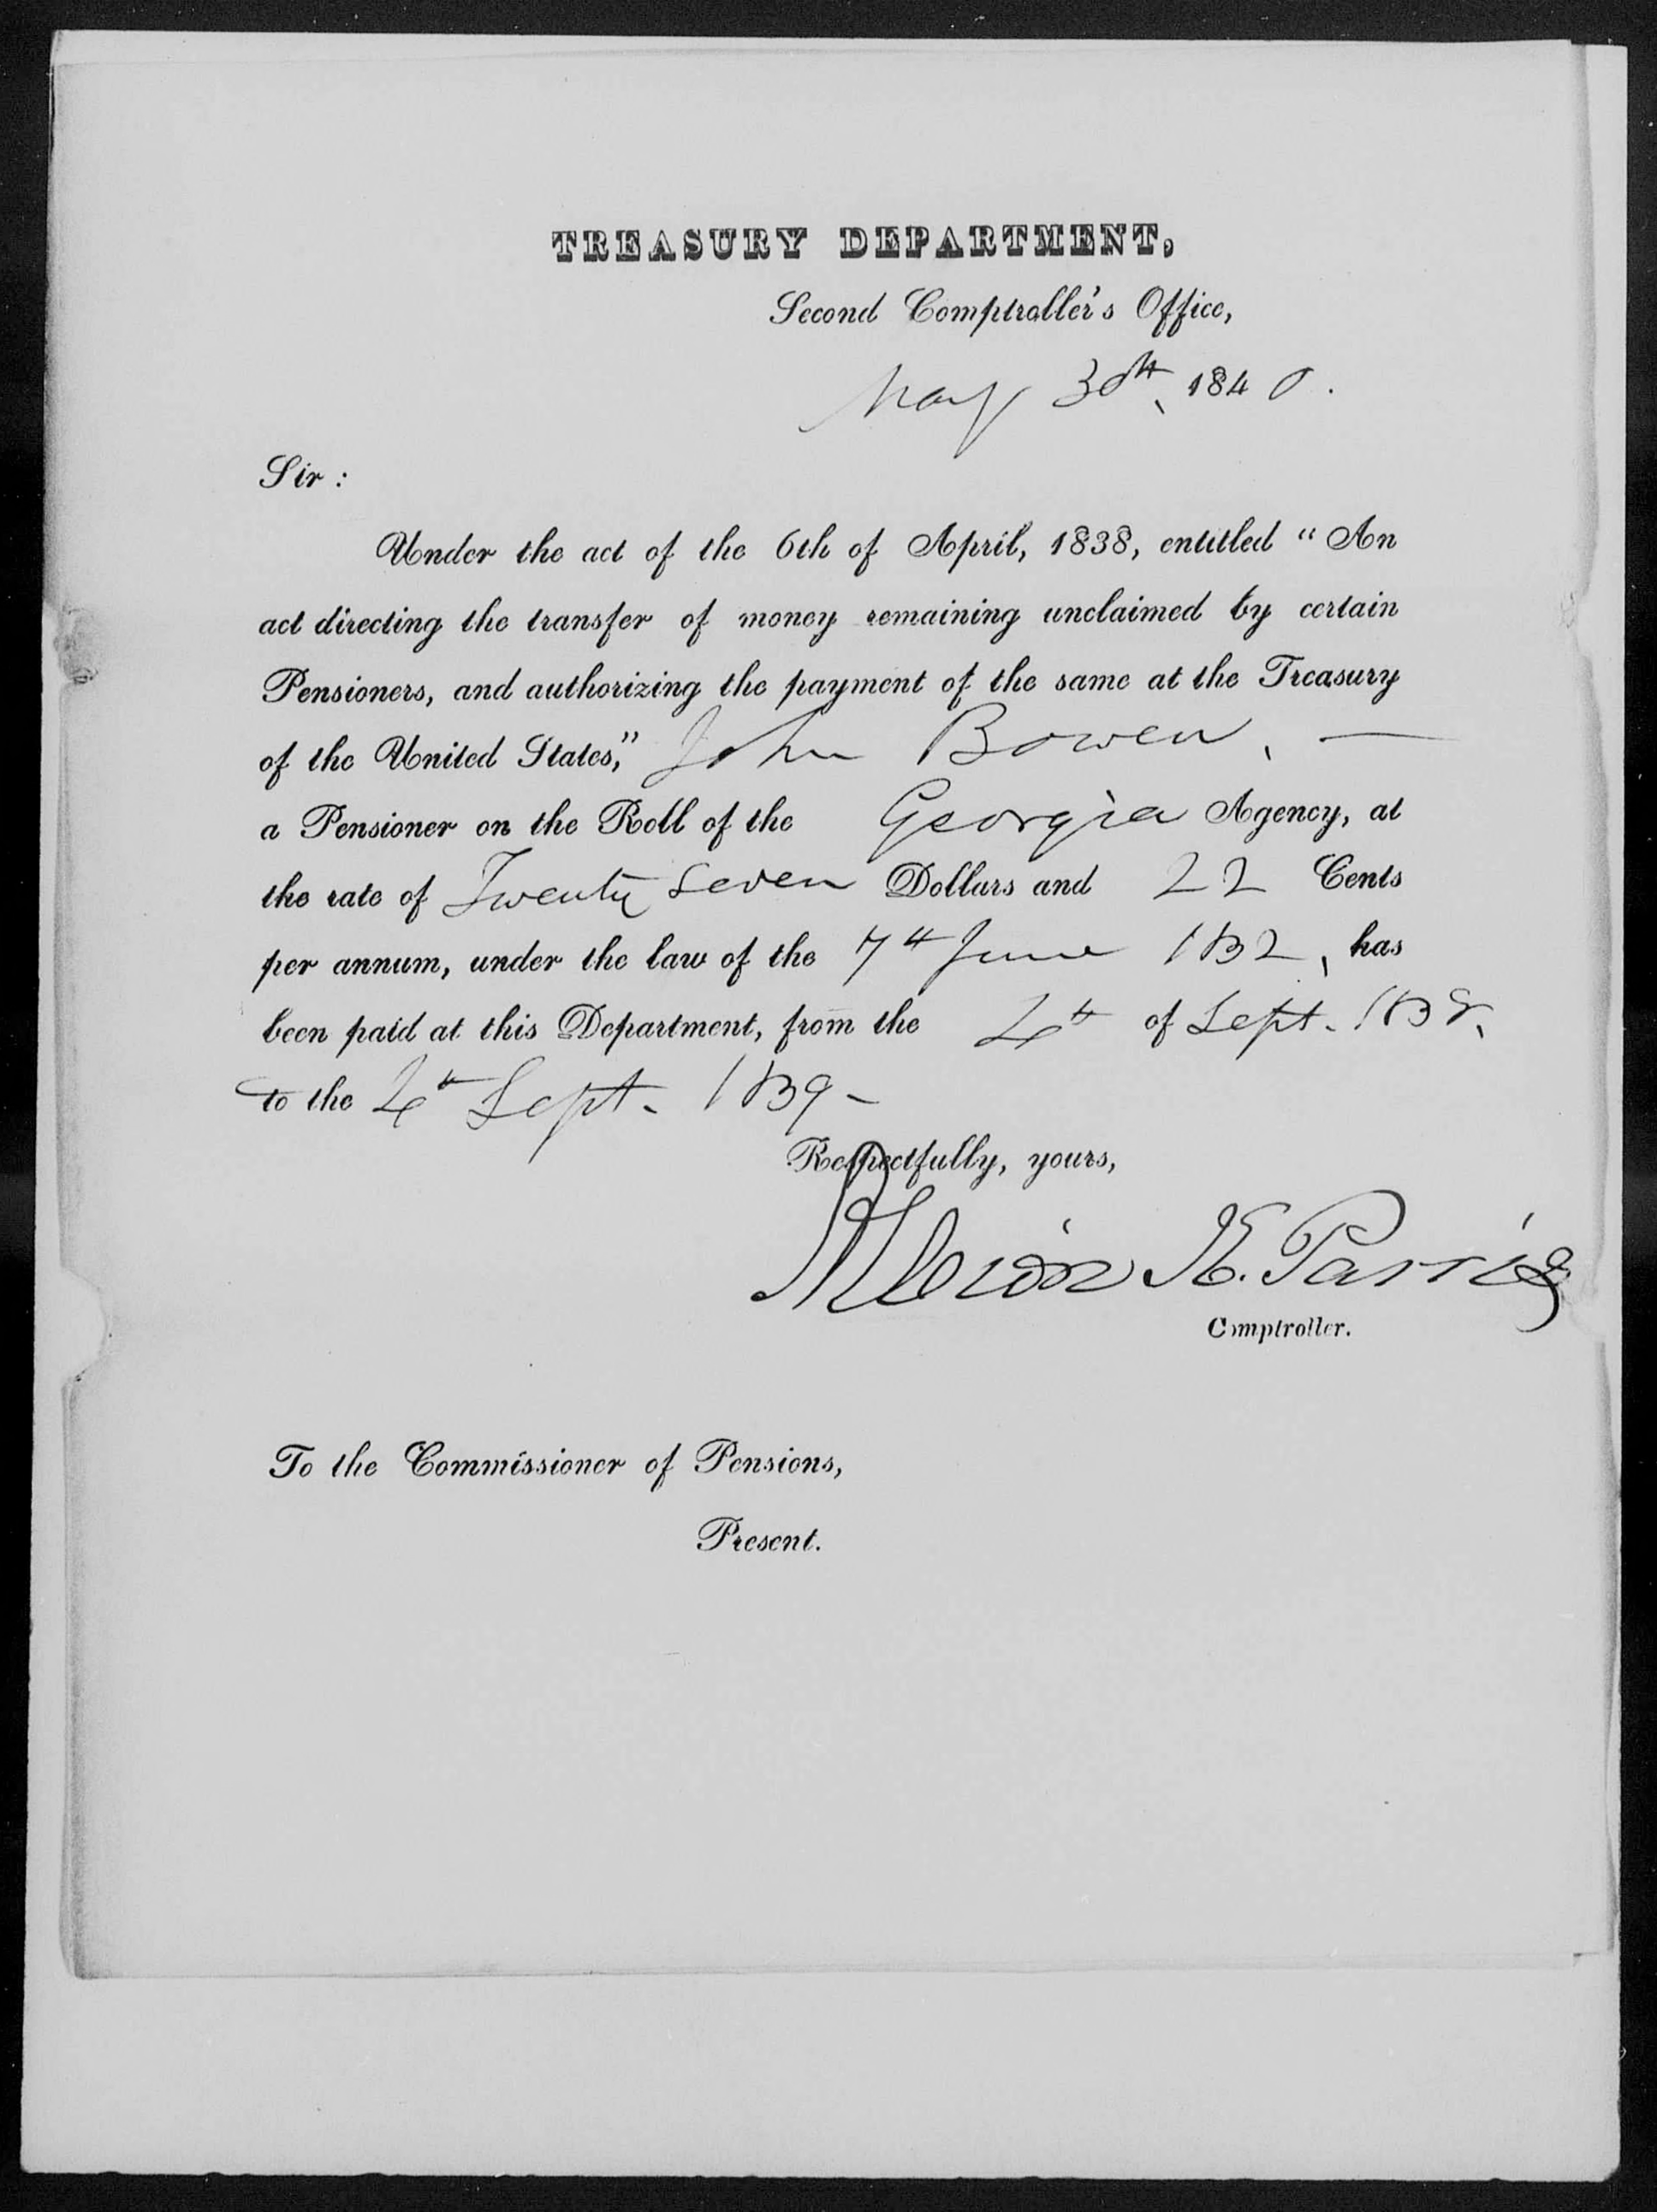TREASURY DEPARTMENT,
Second Comptroller's Office,
May 30th, 1840.

Sir:
Under the act of the 6th of April, 1838, entitled "An act directing the transfer of money remaining unclaimed by certain Pensioners, and authorizing the payment of the same at the Treasury of the United State," John Bowen, -- a Pensioner on the Roll of the Georgia Agency, at the rate of Twenty-seven Dollars and 22 Cents per annum, under the law of 7th June 1832, has been paid at this Department, from the 4th of Sept. 1839, to the 4th Sept. 1839.
Respectfully, yours,
Albion G. Parris
Comptroller.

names: John Bowen, Albion K Parris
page: 11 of 20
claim: survivor's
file: S. 32,124, John Bowen, Va.